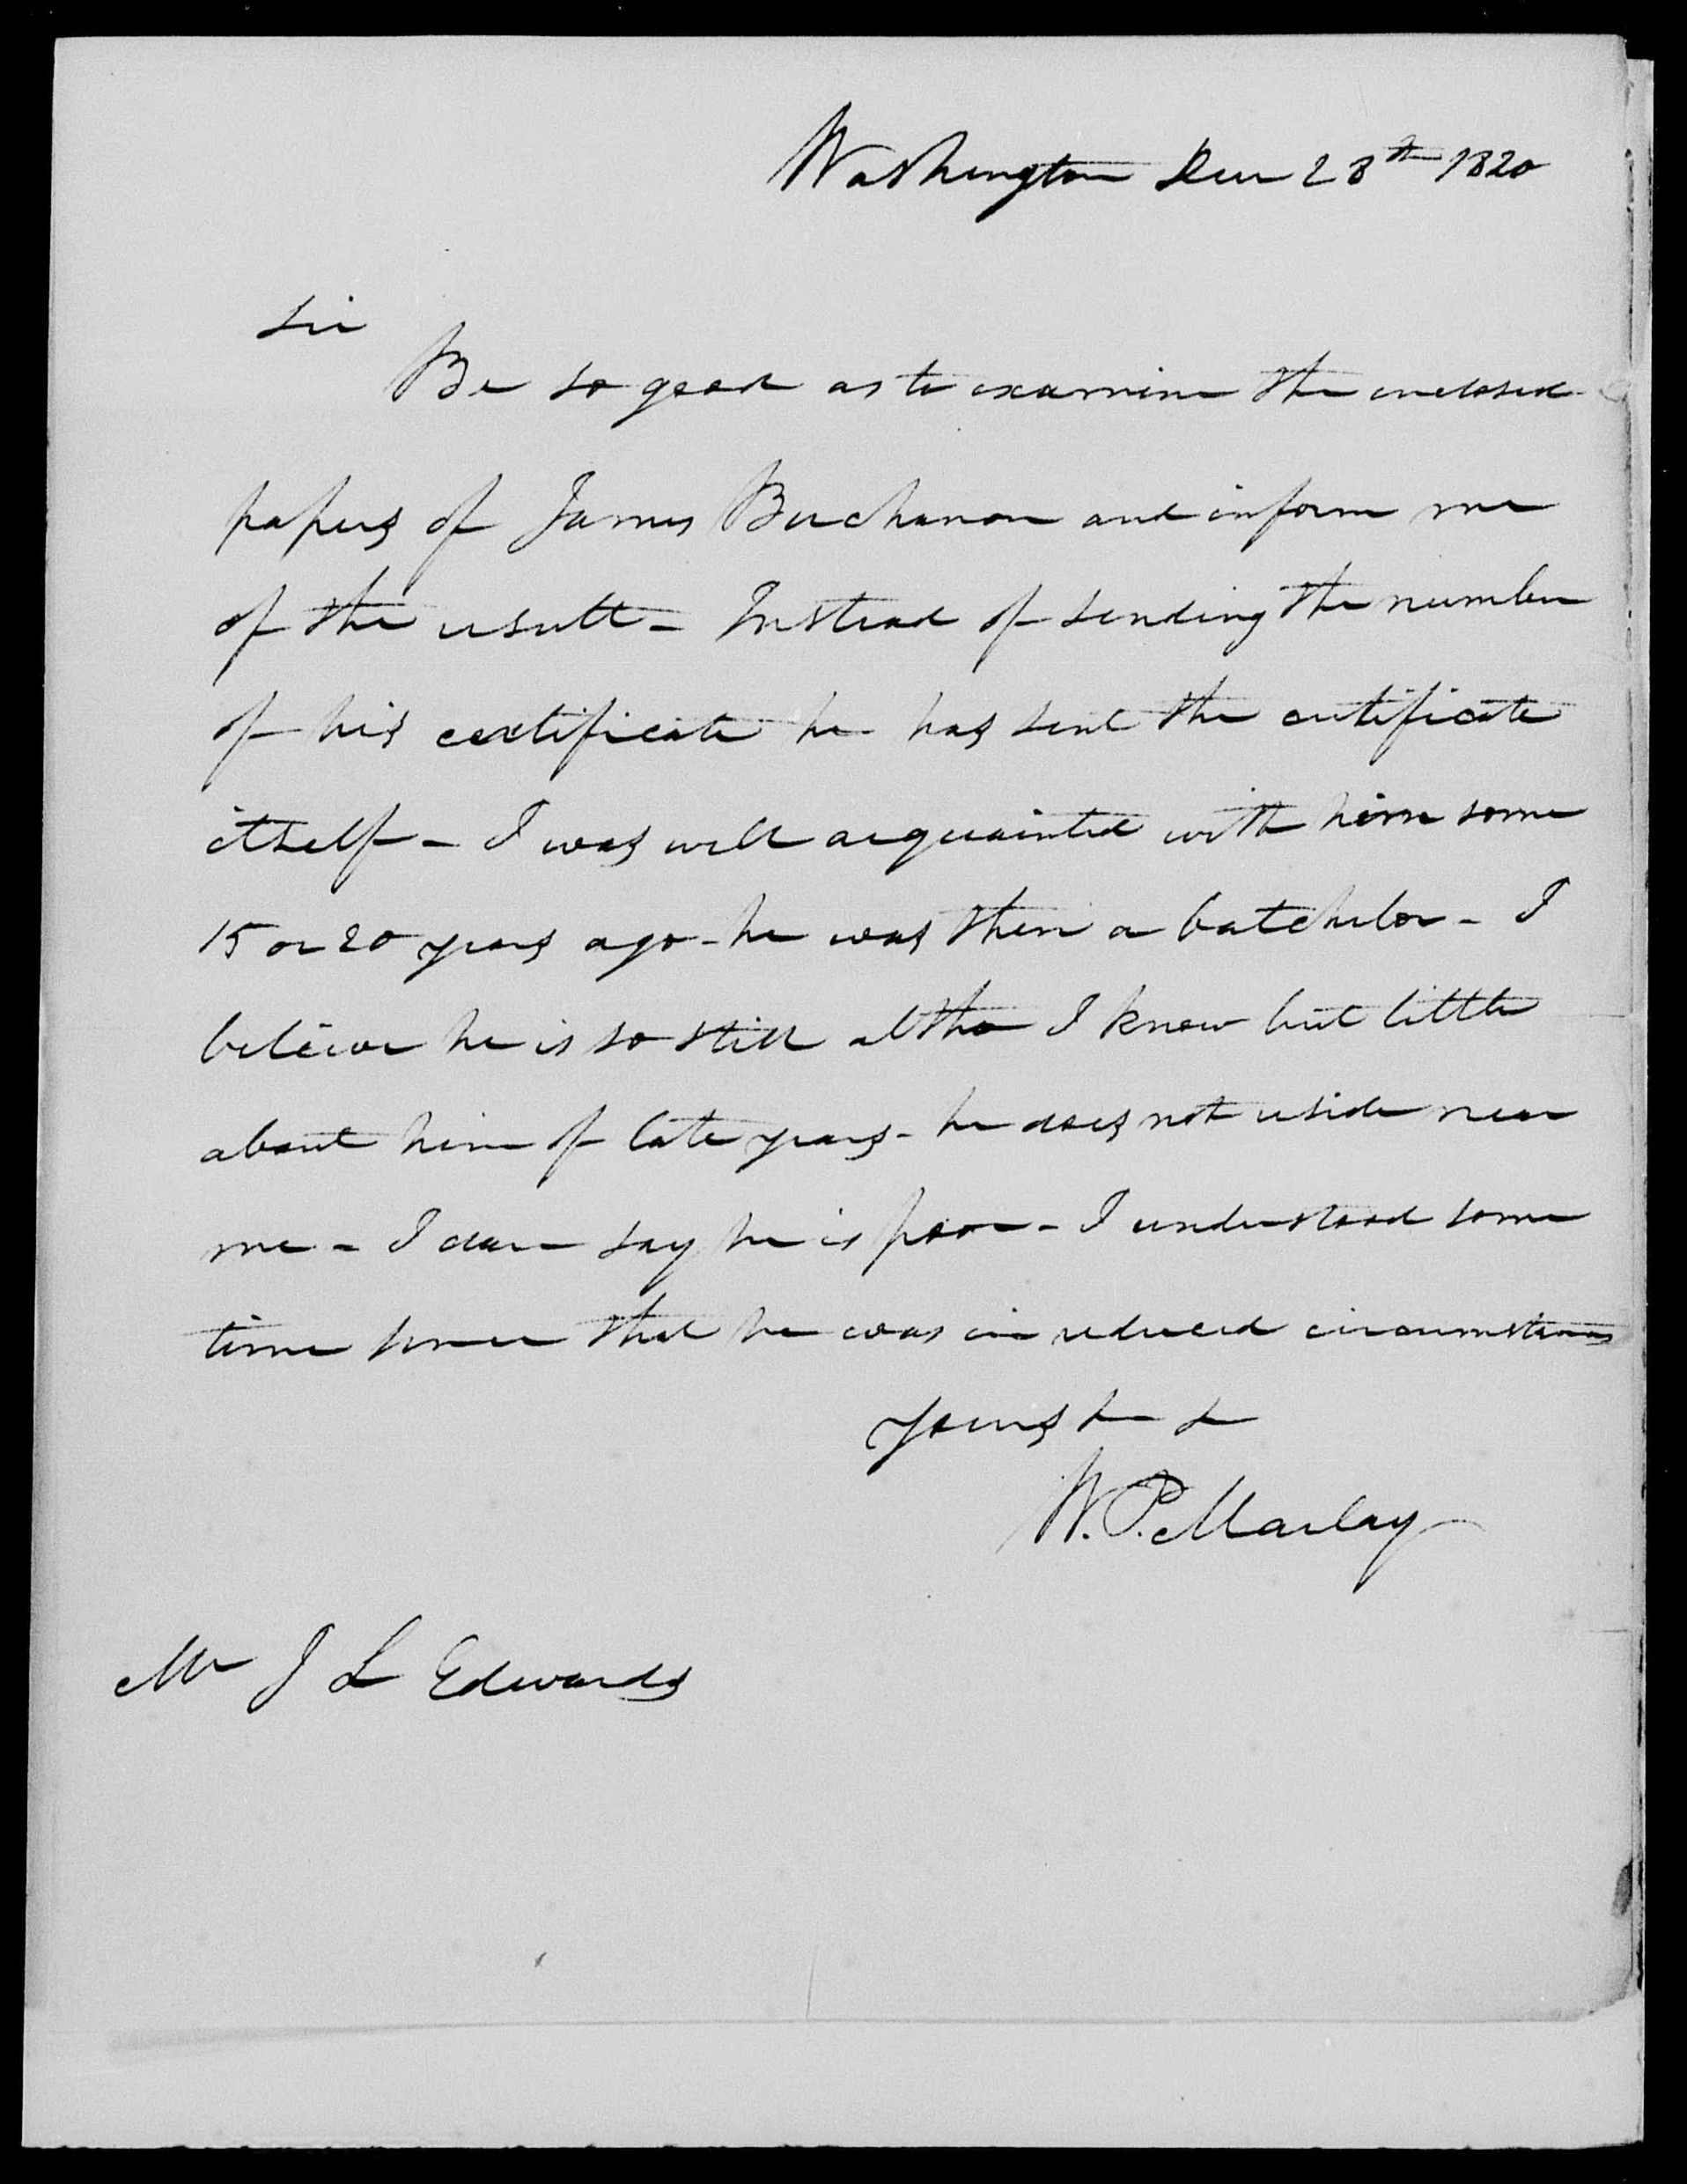Washington Dec 23th 1820 

Sir

Be so good as to examine the enclosed papers of James Buchanan and inform me of the result. Instead of sending the number of his certificate he has sent the certificate itself- I was well acquainted with him some 15 or 20 years ago - he was then a bachelor (Batchelor)- I believe he is so still although (altho) I know but little about him of late years - he does not reside near me - I dare say he is poor- I understand some time now that he was in reduced circumstances 

Yours Truly
 W. P. Maclay

 Mr J L Edwards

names: W P Maclay, James Buchanan, J L Edwards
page: 12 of 15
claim: survivor's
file: S. 40,765, James Buchanan, Pa.